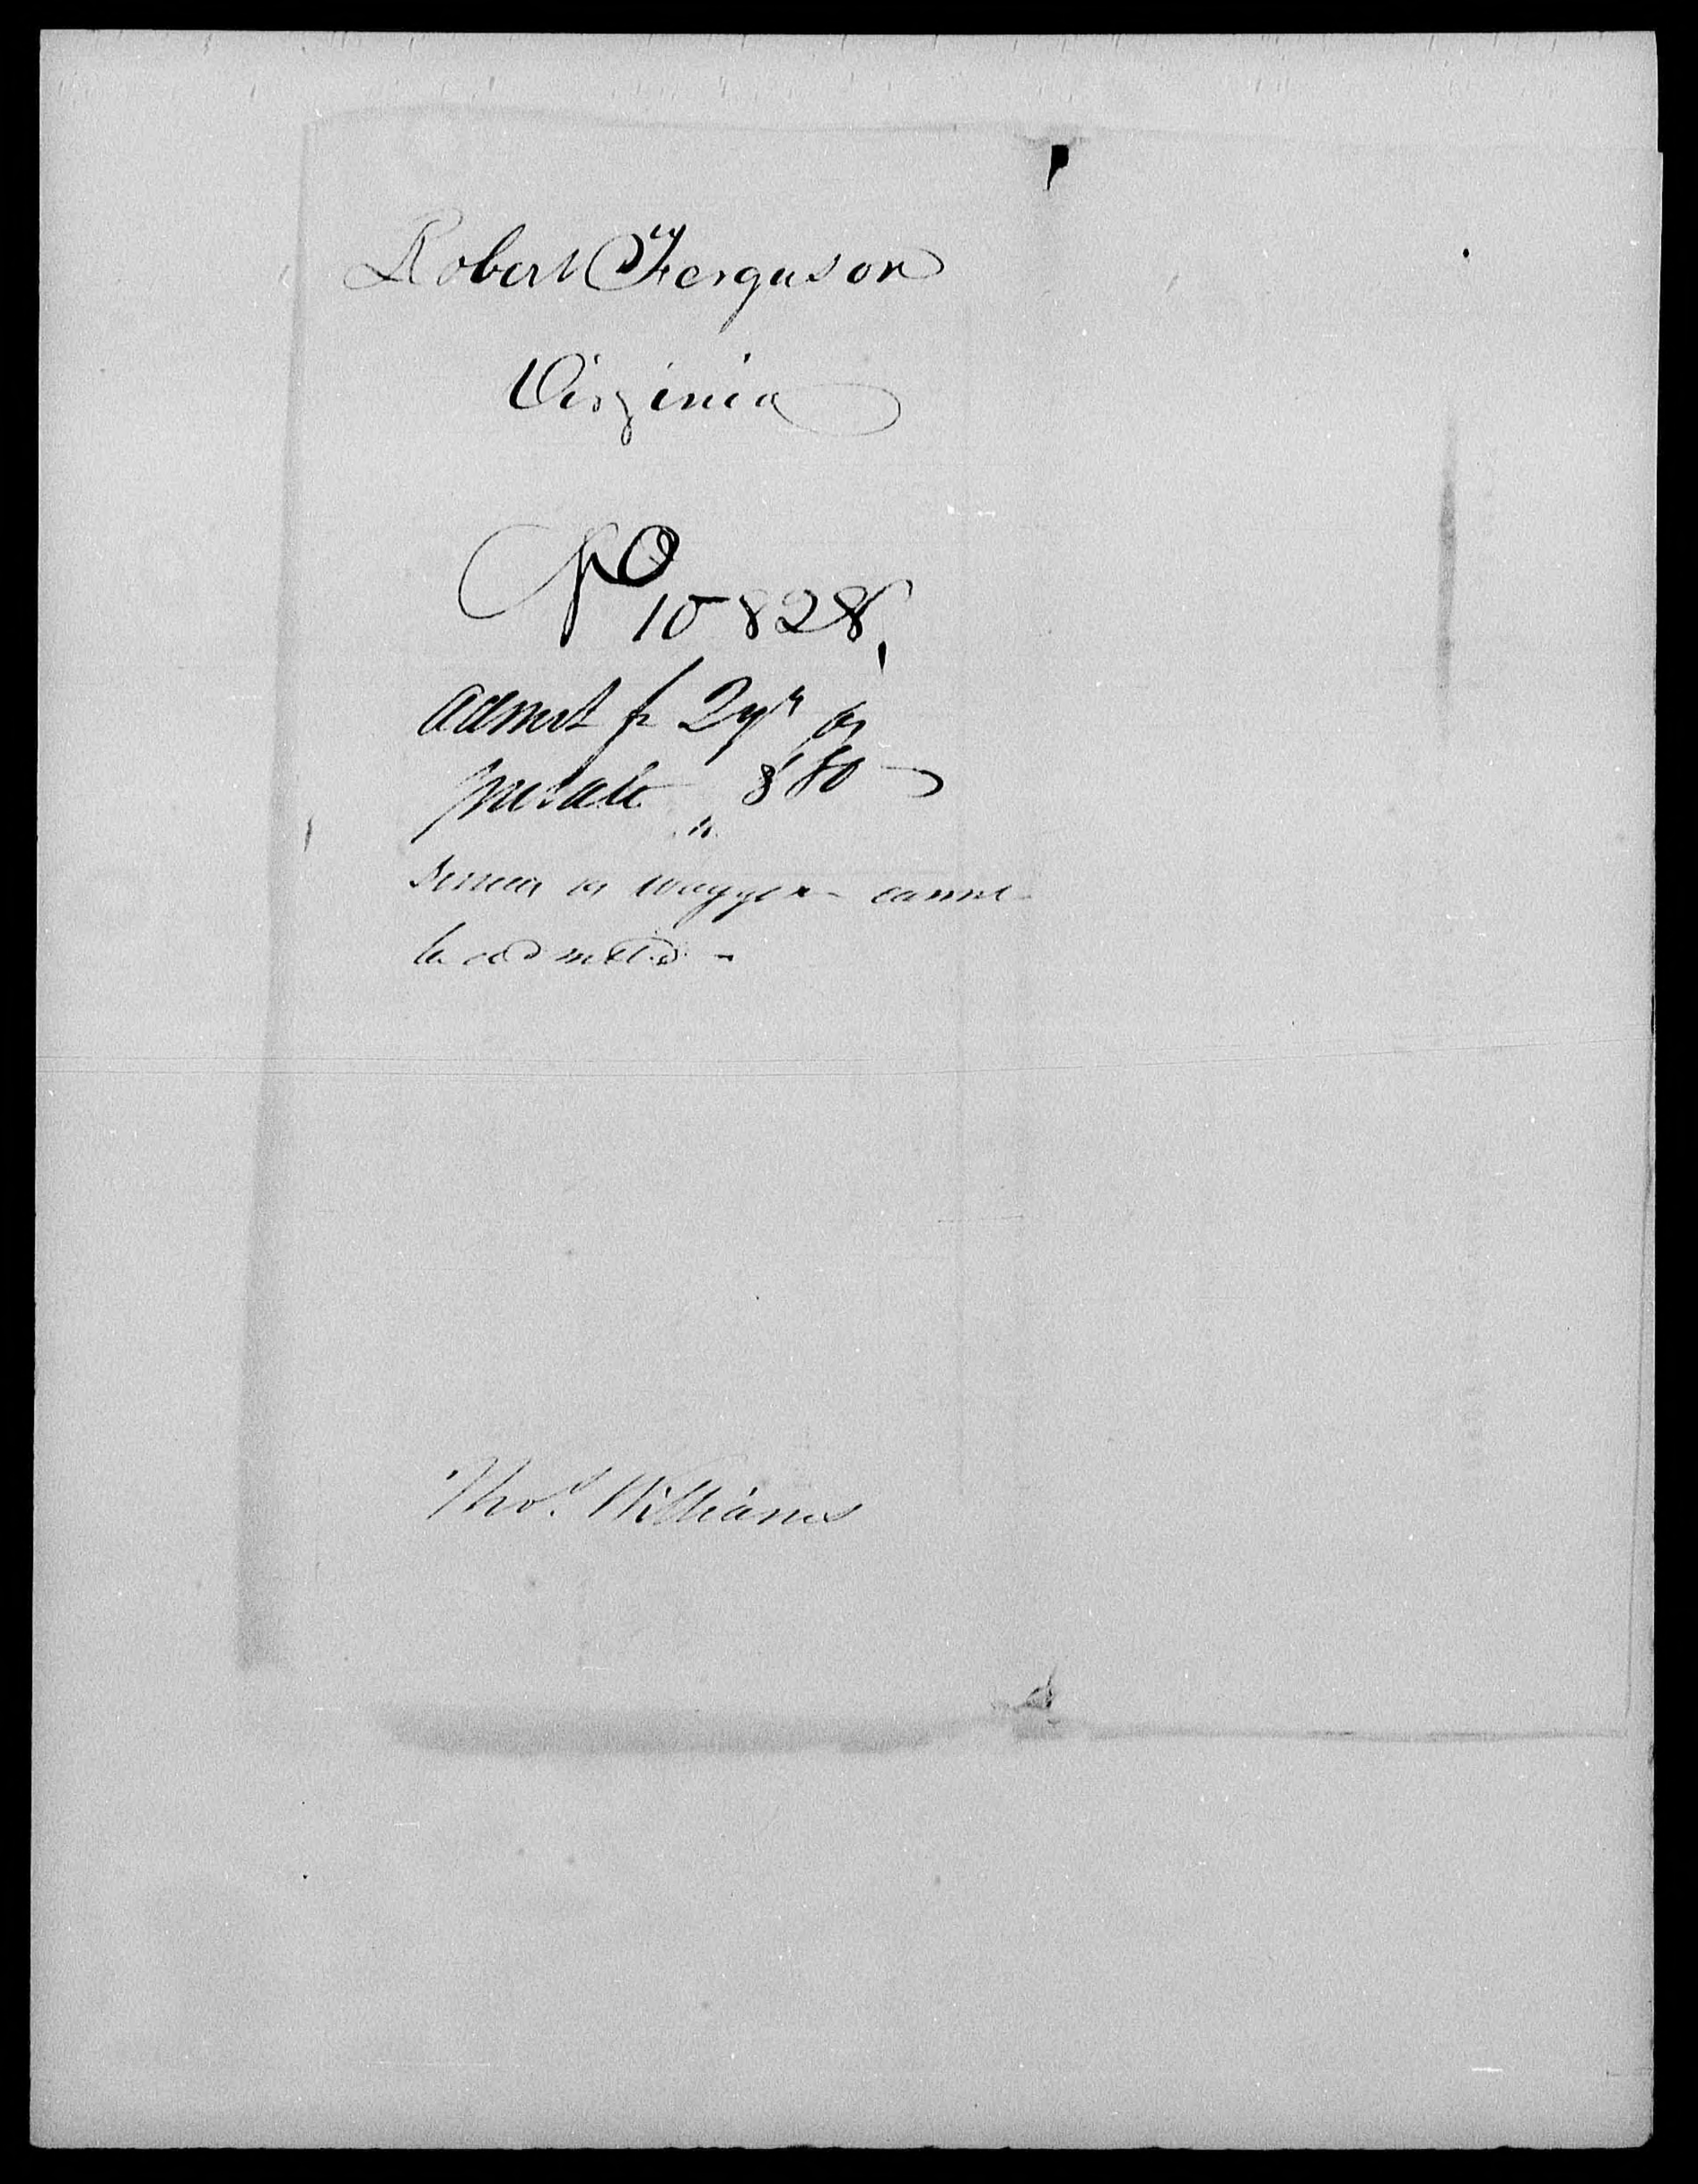Robert Ferguson
Virginia

No 10828,

admit for 2 yr
private
$80
[illegible]
Thos. Williams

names: Robert Ferguson, Thos Williams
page: 4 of 81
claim: widow's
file: W. 7262, Robert Ferguson, Va.